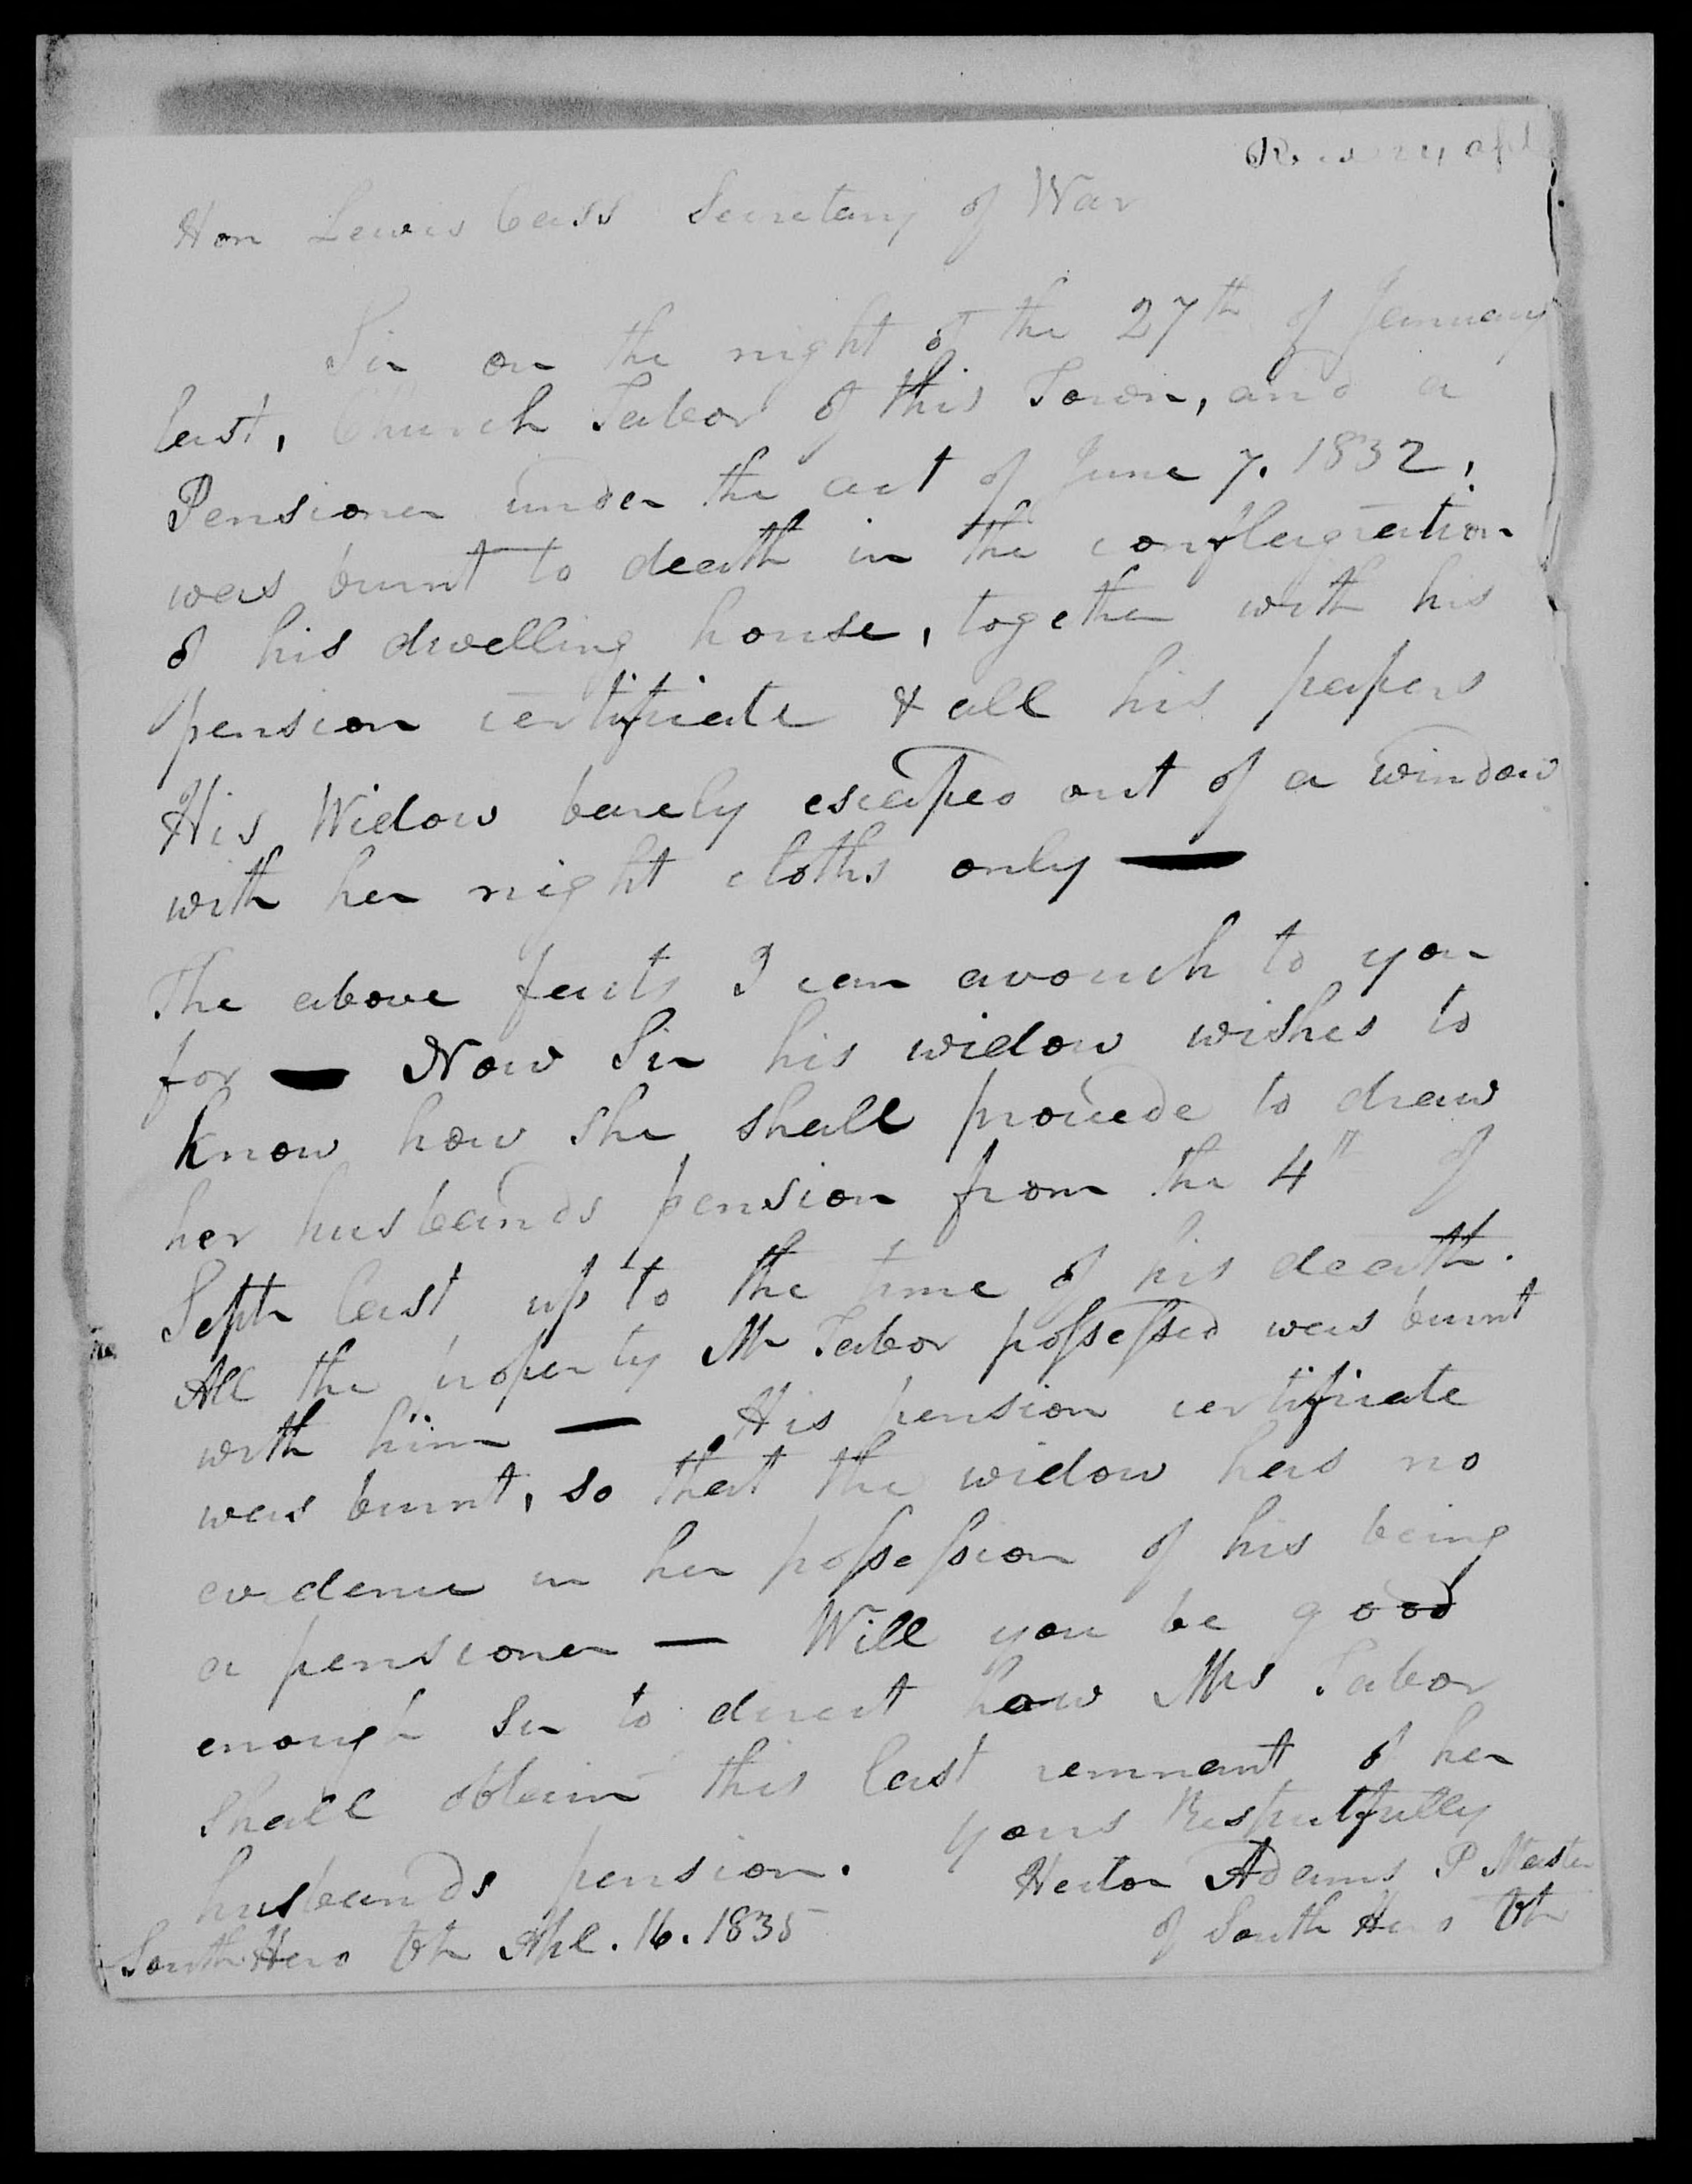Recd. 24 Apl.

Hon. Lewis Cass Secretary of War

On the night of the 27th January last, Church Tabor of this Town, and a Pensioner under the act of June 7, 1832, was burnt to death in the conflagration of his dwelling house, together with his pension certificate & all his papers. His Widow barely escaped out of a window with her night clothes only.
The above facts I can avouch to you for. Now Sir his widow wishes to know how she shall proceed to draw her husbands pension from the 4th of Sept. last up the time of his death.  All the property Mr. Tabor possessed was burnt with him. His pension certificate was burnt so the widow has no evidence in her possession of his being a pensioner. Will you be good enough sir to direct how Mrs. Tabor shall obtain this last remnant of her husband's pension.
Yours Respectfully
Hector Adams, P. Master of South Hero, Vt.

South Hero Vt. Apl. 16, 1835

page: 21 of 41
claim: widow's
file: W 26507, for Church Tabor, Massachusetts